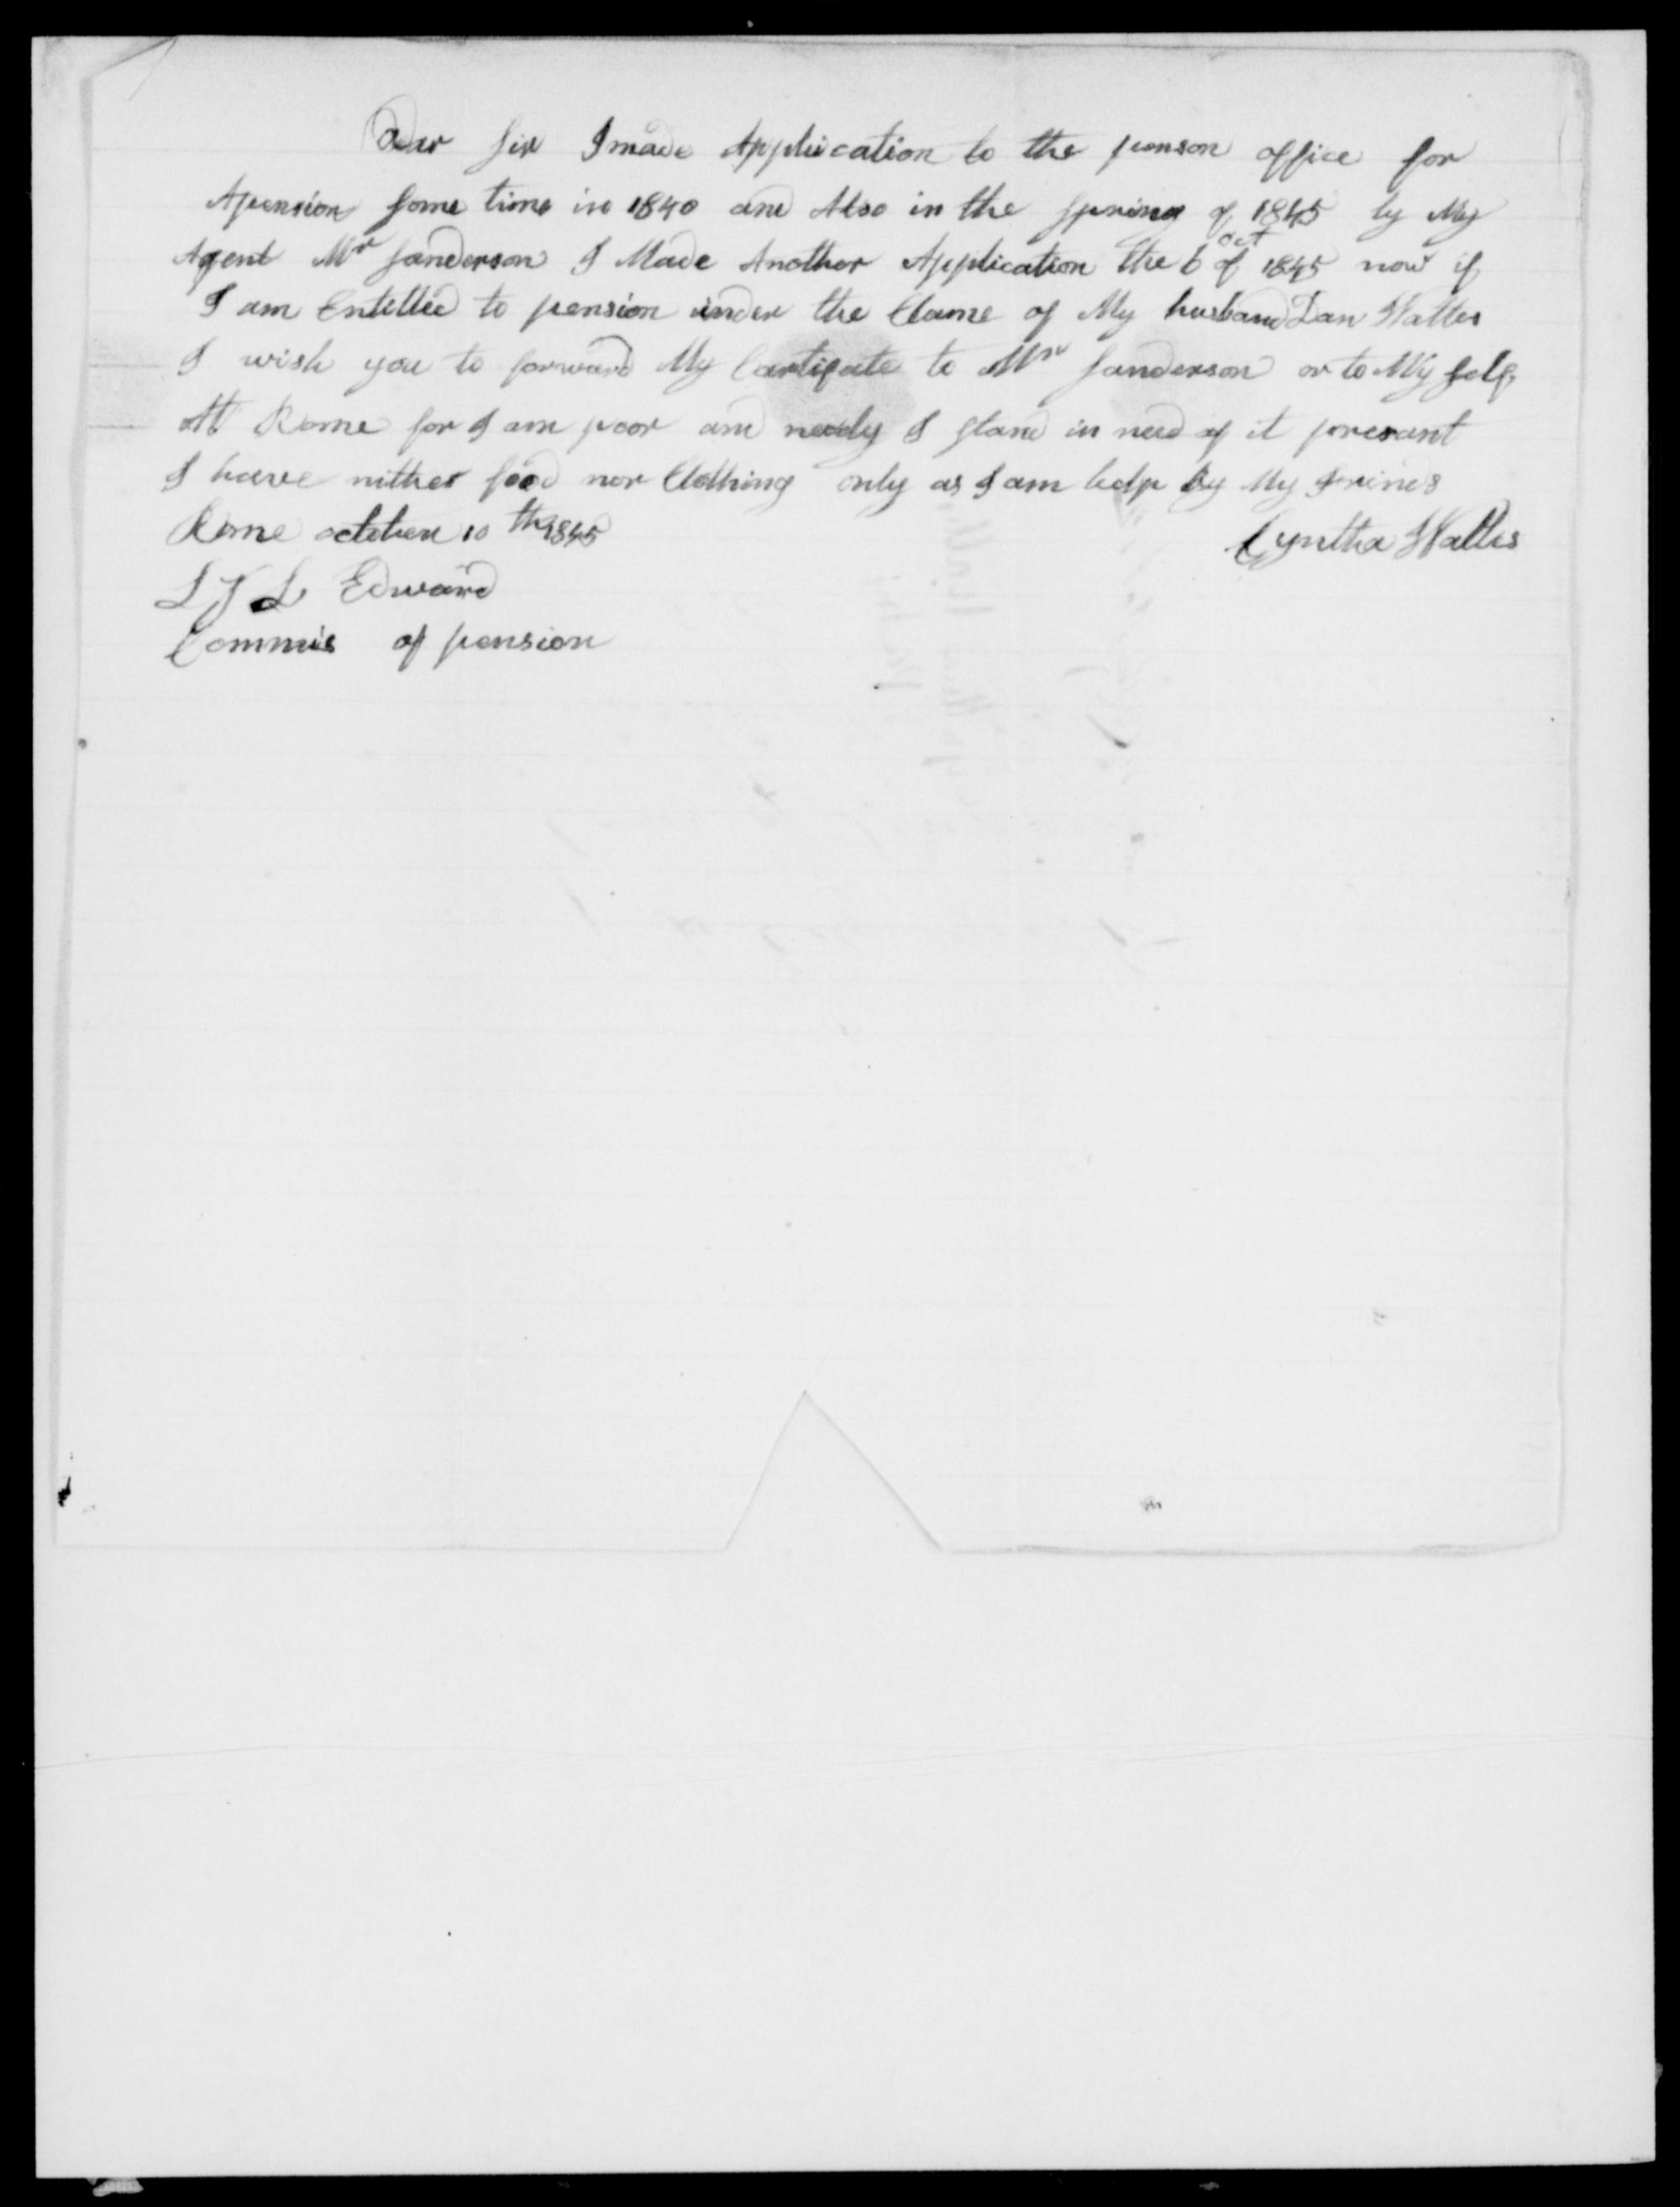Dear Sir
I made application to the pension office for a pension sometime in 1840 and Also in the spring of 1845 by my Agent Mr Sanderson.  I made Another Application the 6 of Oct 1845, now if I am entitled to pension under the claim  of My husband, Dan Watters, I wish you to forward My certificate to Mr. Sanderson or Myself  at Rome for I am poor and needy.  I stand in need of it 
[     ].  I have neither food nor clothing, only as I am help by My friends.
Done October 10th 1845     Cynthia Wattes

L J Edward
Commissioner of Pension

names: Cyntha Wattes, Dan Wattes, Sanderson, J L Edward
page: 56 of 70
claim: widow's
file: W. 3743, Dan Wattles, Conn.